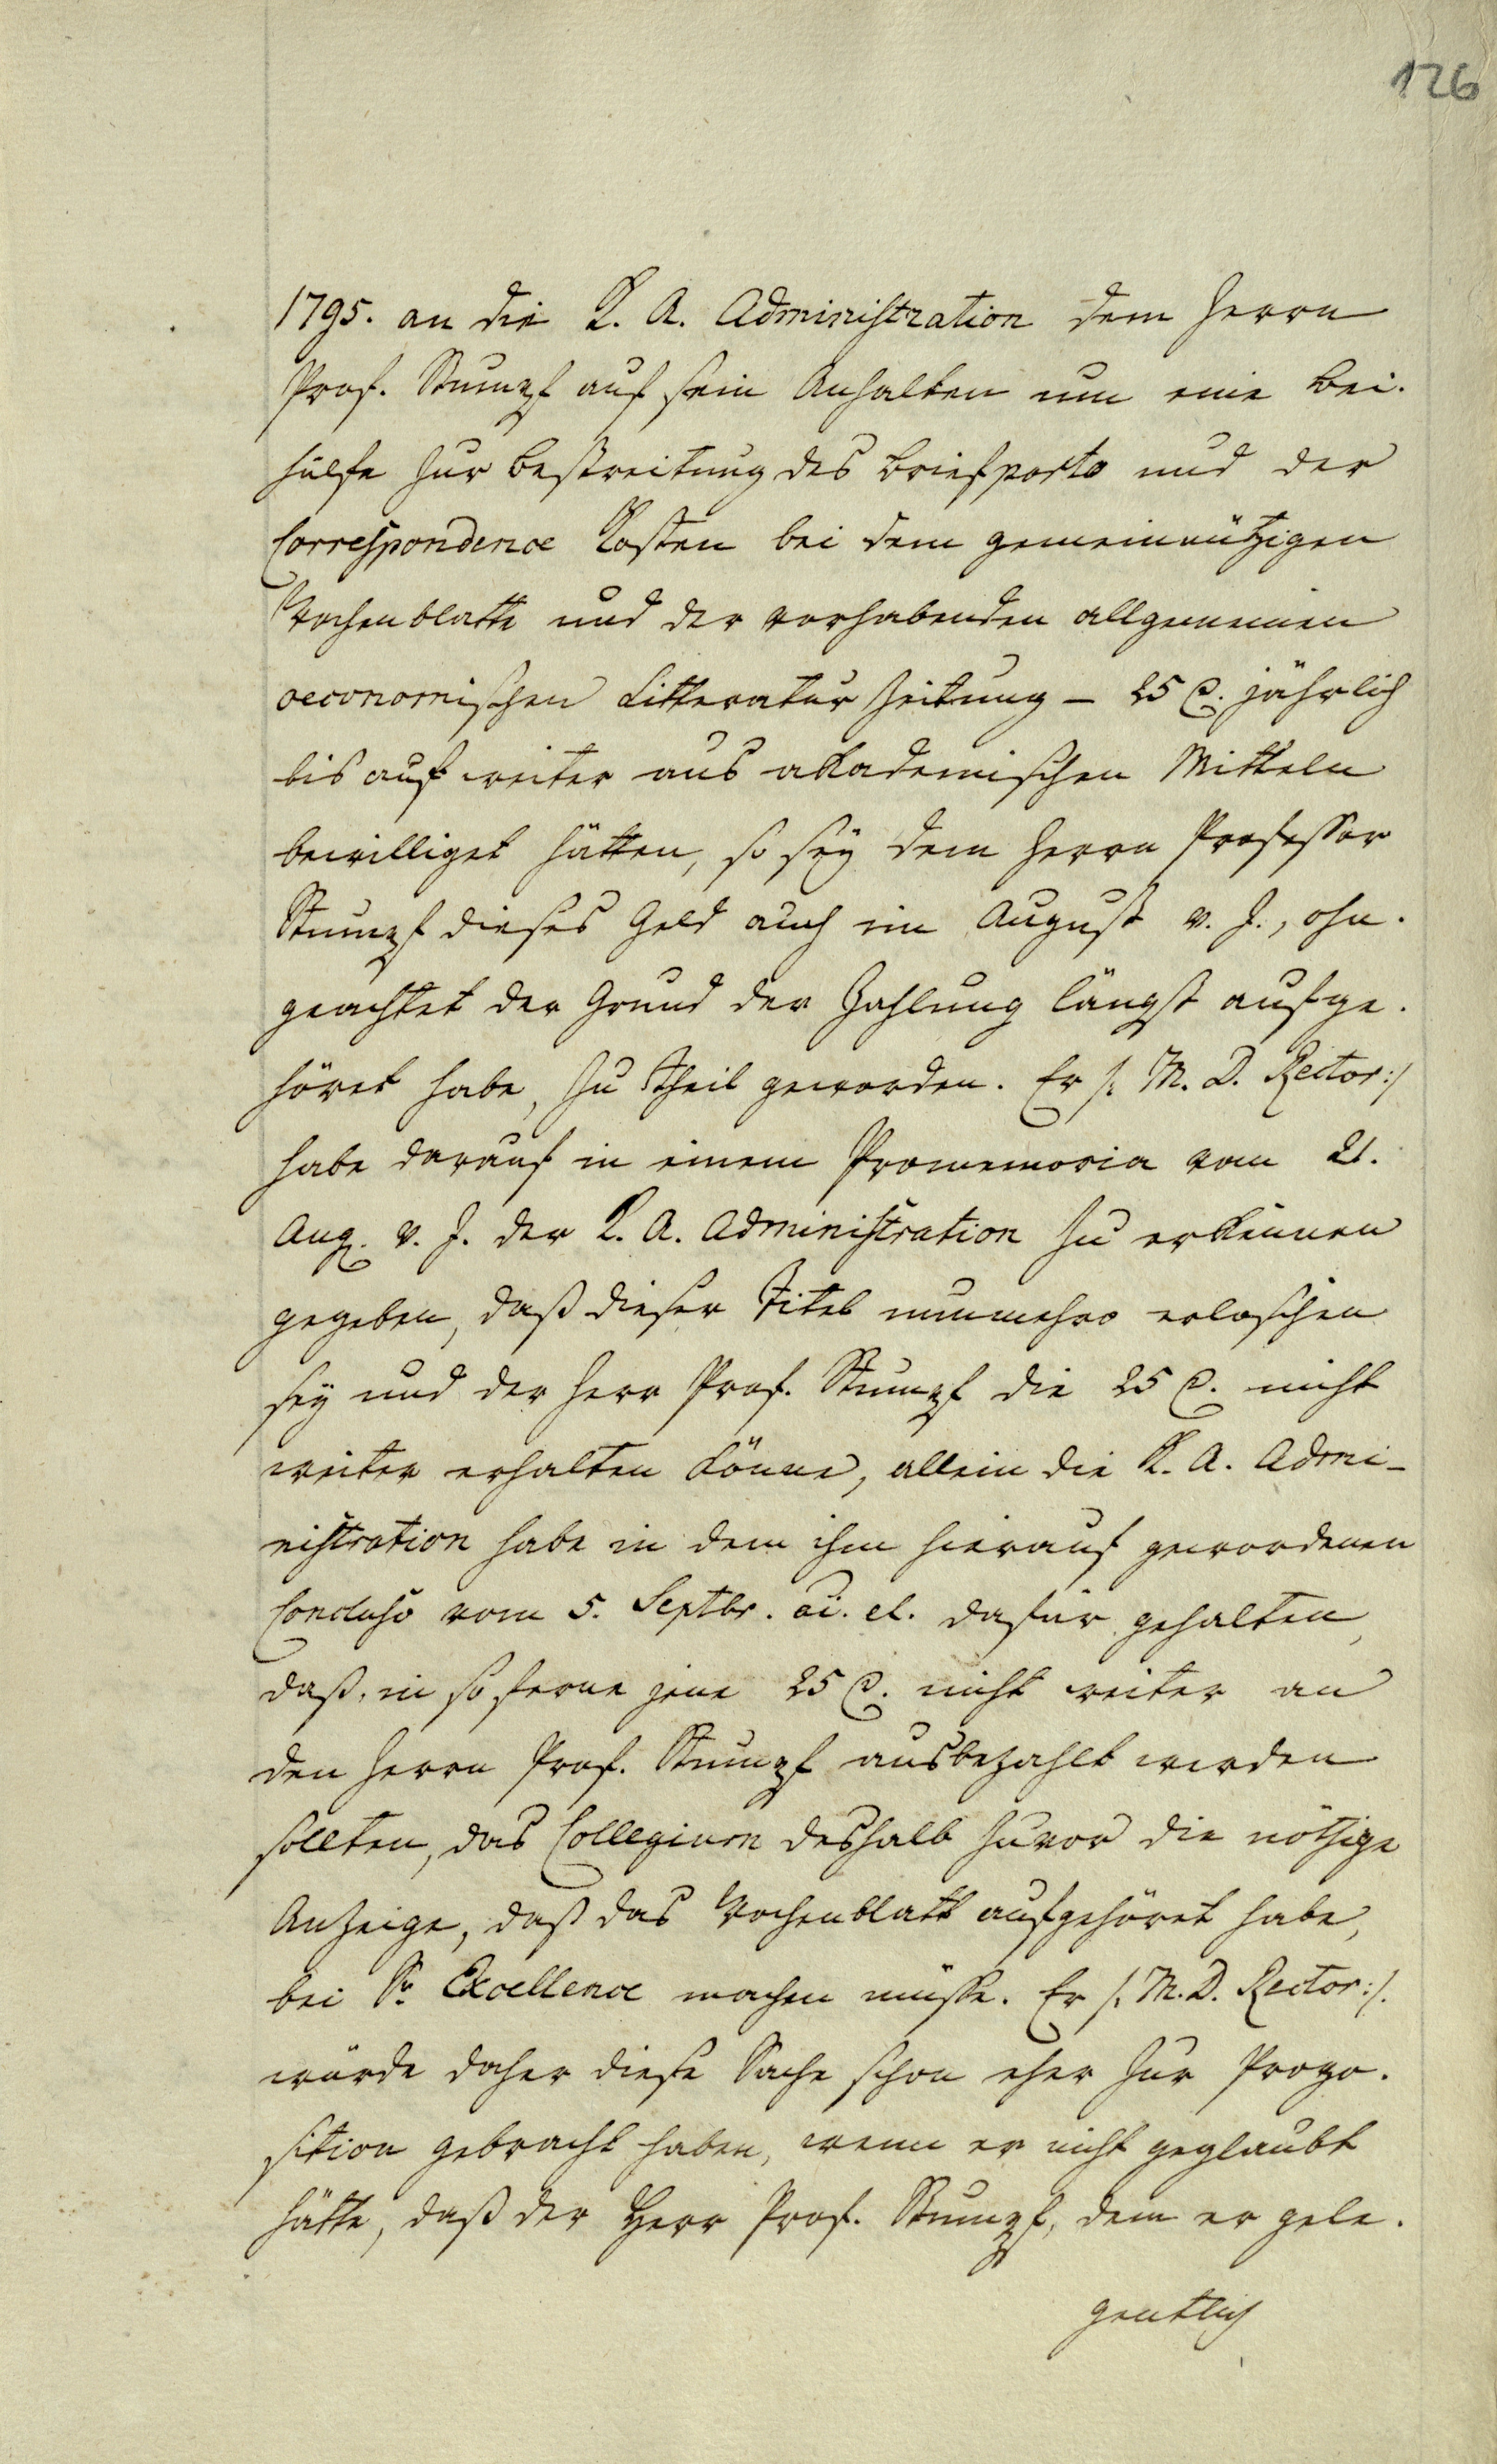1795. an die K. A. Administration dem Herrn
Prof. Stumpf auf sein Anhalten um eine Bei¬
hülfe zur Bestreitung des Briefporto und der
Correspondence Kosten bei dem gemeinnützigen
Wochenblatte und der vorhabenden allgemeinen
oeconomischen Litteratur Zeitung - 25 l. jährlich
bis auf weiter aus akademischen Mitteln
bewilliget hätten, so seÿ dem Herrn Professor
Stumpf dieses Geld auch im August v. J., ohn¬
geachtet der Grund der Zahlung längst aufge¬
höret habe, zu Theil geworden. Er /: M. D. Rector :/
habe darauf in einem Promemoria vom 21.
Aug. v. J. der K. A. Administration zu erkennen
gegeben, daß dieser Titel nunmehro erloschen
seÿ und der Herr Prof. Stumpf die 25 l. nicht
weiter erhalten könne, allein die K. A. Admi¬
nistration habe in dem ihm hierauf gewordenen
Concluso vom 5. Septbr. ai. el. dafür gehalten,
daß in so ferne jene 25 l. nicht weiter an
den Herrn Prof. Stumpf ausbezahlt werden
sollten, das Collegium deshalb zuvor die nöthige
Anzeige, daß das Wochenblatt aufgehöret habe,
bei Sr Excellence machen müsse. Er /: M. D. Rector :/.
würde daher diese Sache, schon eher zur Propo¬
sition gebracht haben, wenn er nicht geglaubt
hätte, daß der Herr Prof. Stumpf, dem er gele¬
gentlich